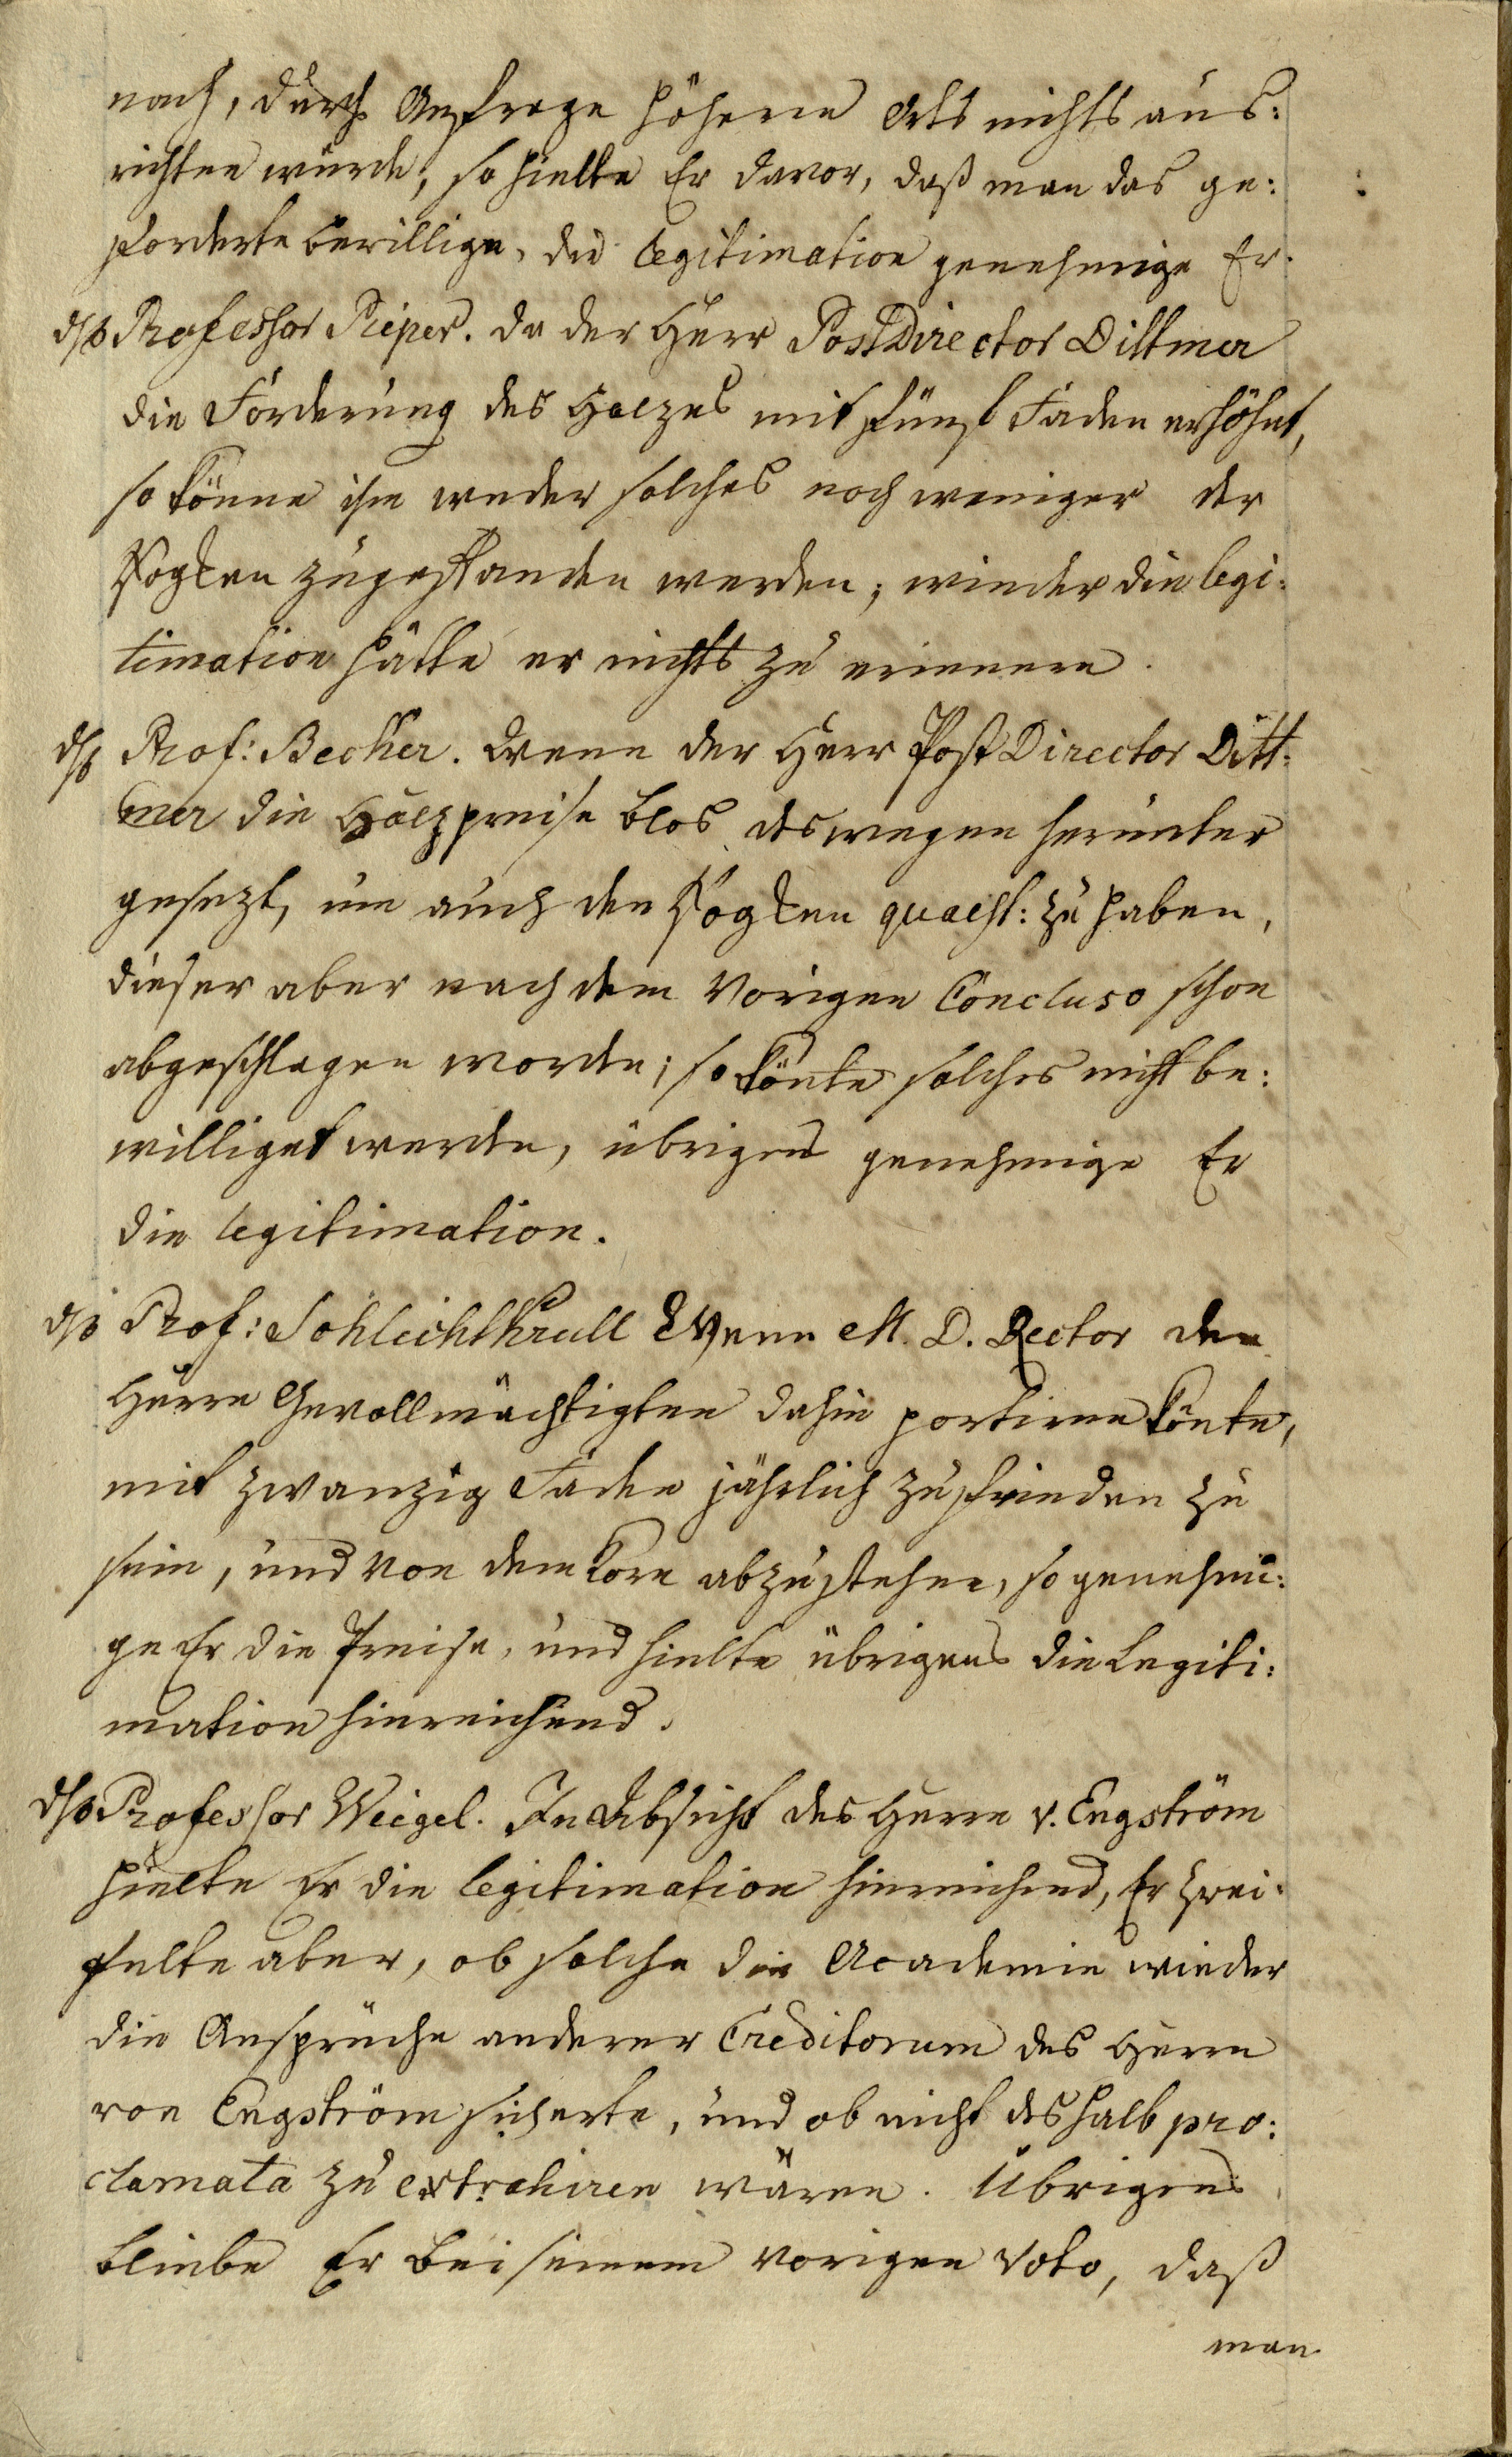nach, durch Anfrage höheren Orts nichts aus¬
richten würde; so hielte Er davor, daß man das ge¬
forderte bewillige, der legitimation genehmige Er.
dh Professor Pieper. Da der Herr PostDirector Dittmer
die Forderung des Holzes mit fünf Faden erhöhet,
so könne ihm weder solches noch weniger der
Rogken zugestanden werden, wieder die legi¬
timation hätte er nichts zu erinnern.
dh Prof. Becker. Wenn der Herr PostDirector Ditt¬
mer die Holzpreise blos des wegen herunter
gesezt, in auch den Rogken quaest. zu haben,
dieser aber nach dem vorigen Concluso schon
abgeschlagen worden; so könte solches nicht be¬
williget werden, übrigens genehmige Er
die legitimation.
dh Prof. Schlichtkrull Wenn M. D. Rector den
Herrn Gevollmächtigten dahin portiren könte,
mit zwanzig Faden jährlich zufrieden zu
sein, und von dem Korn abzustehen, so genehmi¬
ge Er die Preise, und hielte übrigens die Legiti¬
mation hinreichend.
dh Professor Weigel. In Absicht des Herrn v. Engström
hielte Er die legitimation hinreichend, Er zwei¬
felte aber, ob solche die Academie wieder
die Ansprüche anderer Creditorum des Herrn
von Engström sicherte, und ob nicht deshalb pro¬
clamata zu extrahiren wären. Übrigens
bliebe Er bei seinem vorigen Voto, daß
man